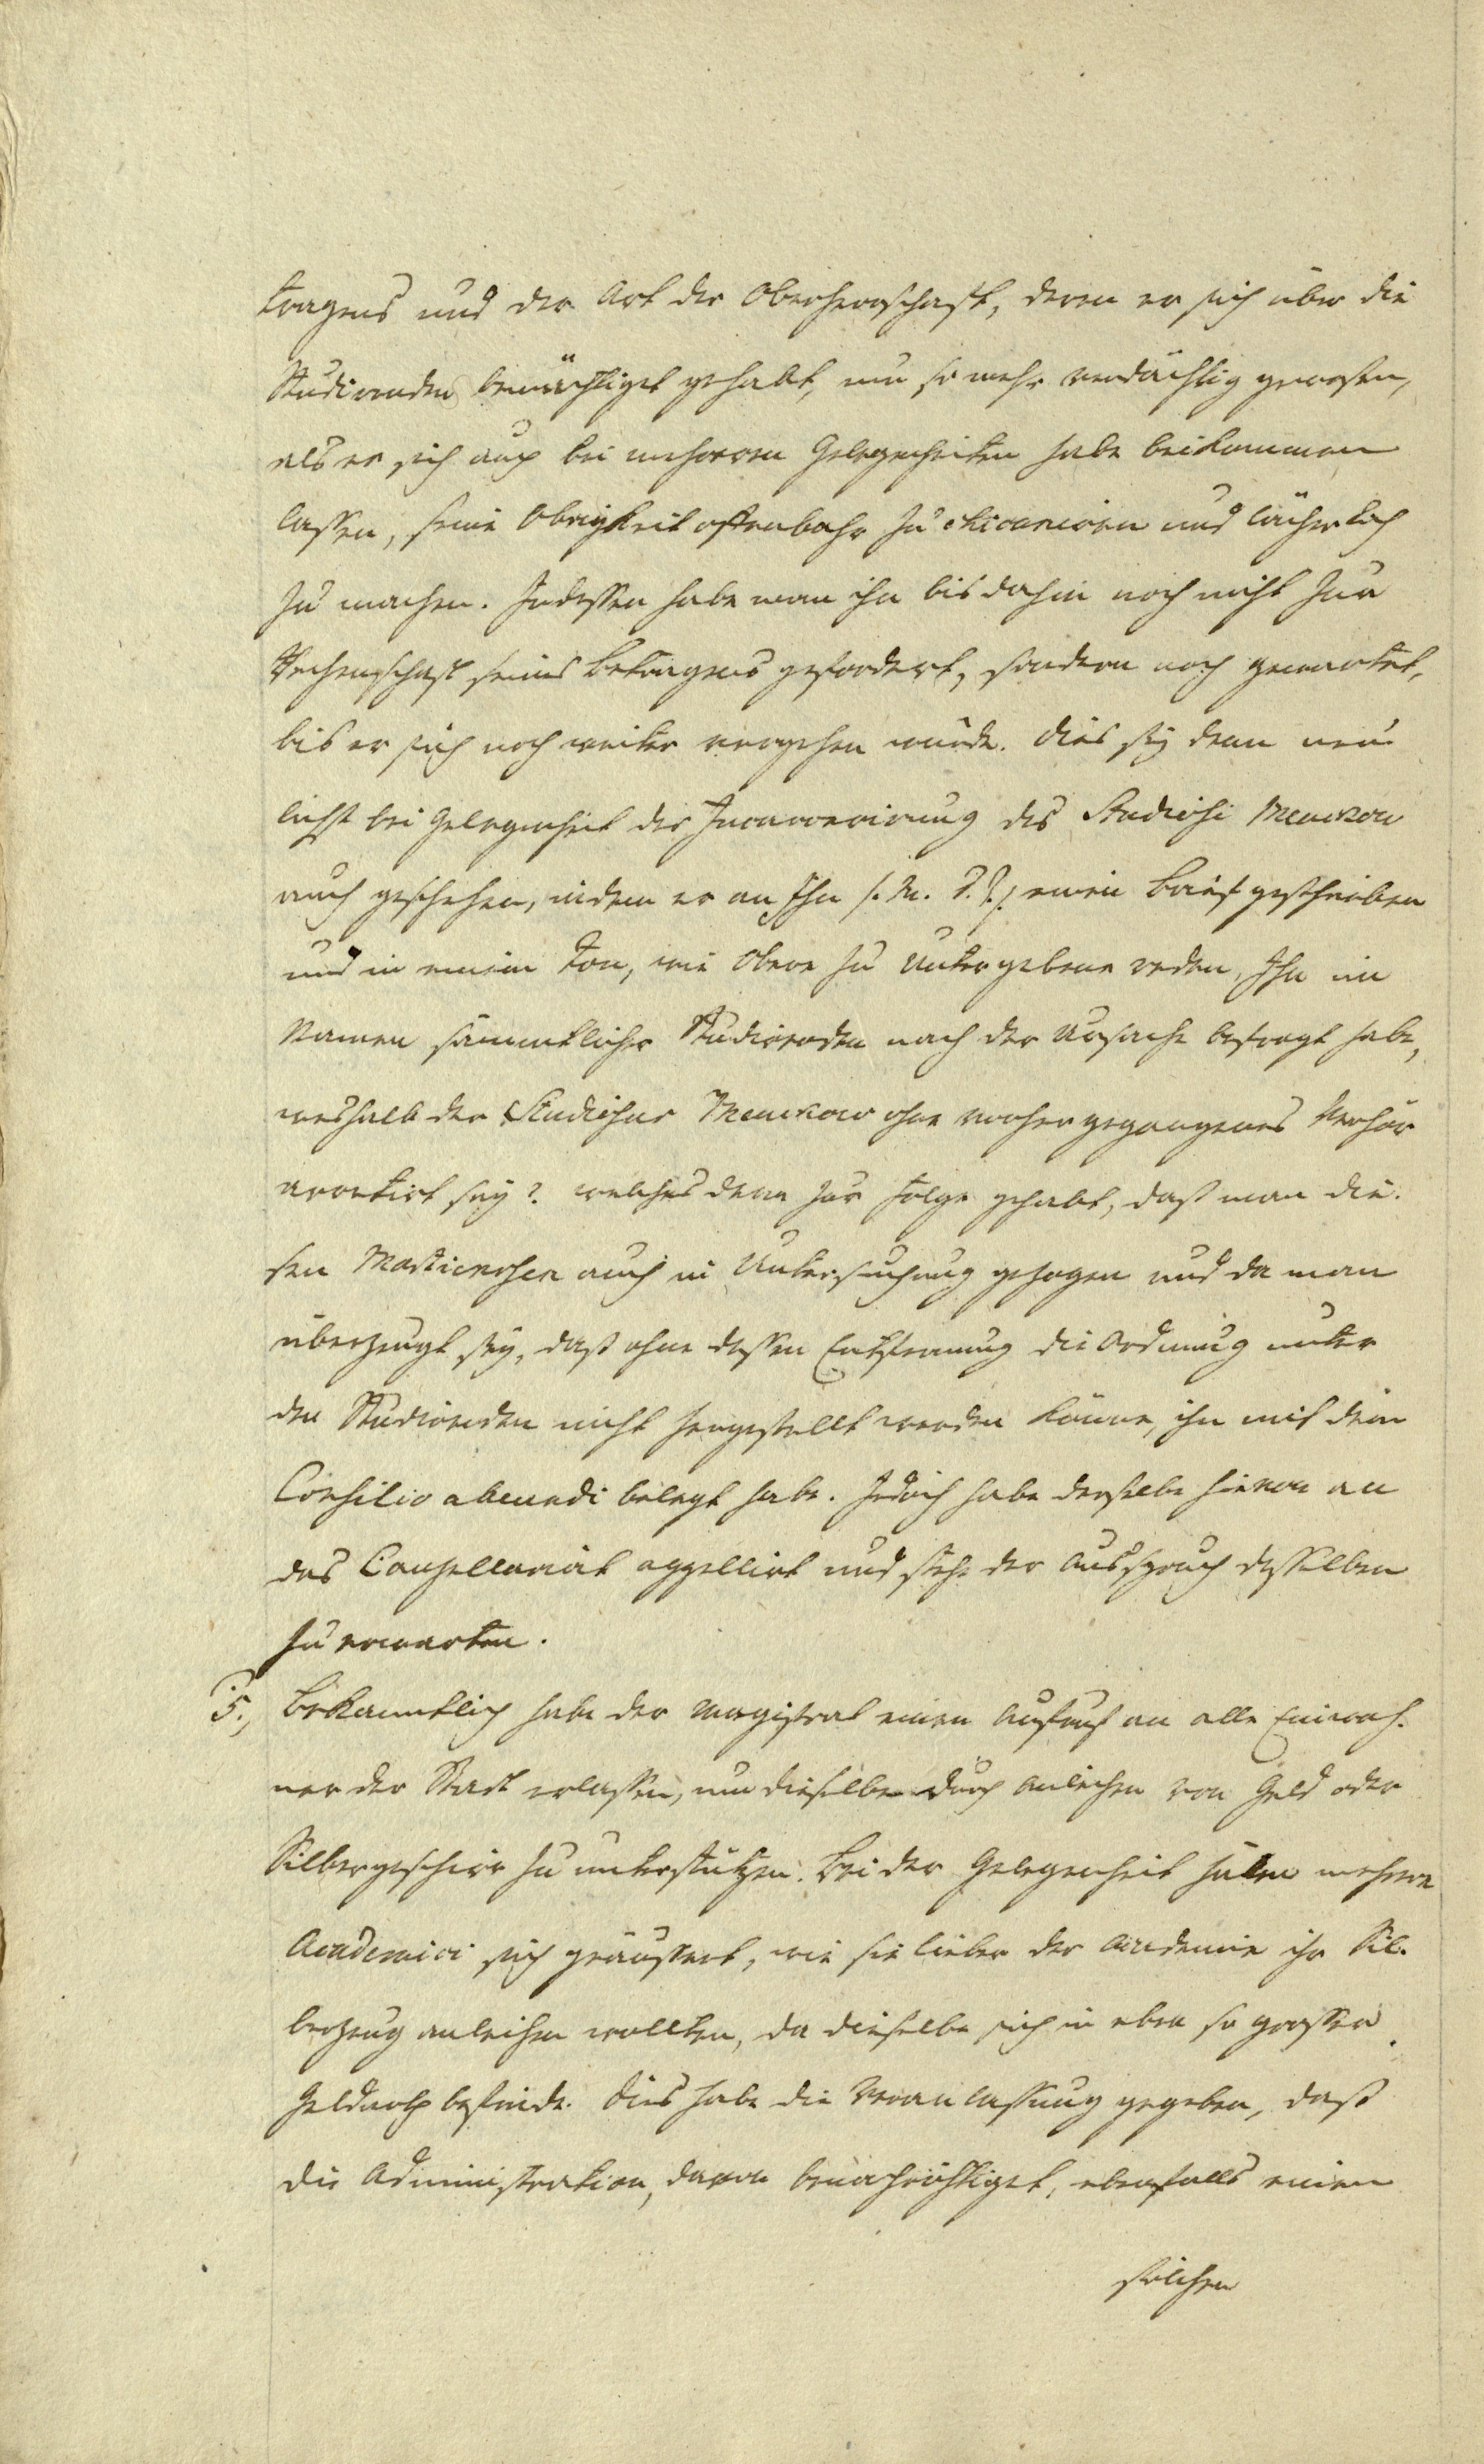tragens und der Art der Oberherrschaft, deren er sich über die
Studirenden bemächtiget gehabt, um so mehr verdächtig gewesen,
als er sich auch bei mehreren Gelegenheiten habe beikommen
lassen, seine Obrigkeit offenbahr zu chicaniren und lächerlich
zu machen. Indessen habe man ihn bis dahin noch nicht zur
Rechenschaft seines Betragens gefordert, sondern noch gewartet,
bis er sich noch weiter vergehen würde. Dies seÿ denn neu¬
lichst bei Gelegenheit der Incarcerirung des Studiosi Menckow
auch geschehen, indem er an Ihn /. M. 1. J./, einen Brief geschrieben
und in einem Ton, wie Obere zu Untergebene reden, Ihn im
Namen sämmtlicher Studirenden nach der Ursache befragt habe,
weshalb der Studiosus Menckow ohne vorher gegangenes Verhör
arretirt seÿ ? Welches denn zur Folge gehabt, daß man die¬
sen Martienssen auch in Untersuchung gezogen und da man
überzeugt seÿ, daß ohne dessen Entfernung die Ordnung unter
den Studirenden nicht hergestellt werden könne, ihn mit dem
Consilio abeundi belegt habe. Jedoch habe derselbe hievon an
das Canzellariat appellirt und sehe der Ausspruch desselben
zu erwarten.
5., Bekanntlich habe der Magistrat einen Aufruf an alle Einwoh¬
ner der Stadt erlassen, um dieselbe durch Anleihen von Geld oder
Silbergeschirr zu unterstützen Bei der Gelegenheit hätten mehrere
Academici sich geäussert, wie sie lieber der Academie ihr Sil¬
berzeug anleihen wollten, da dieselbe sich in eben so grosser
Geldnoth befinde. Dies habe die Veranlassung gegeben, daß
die Administration, davon benachrichtiget, ebenfalls einem
solchen